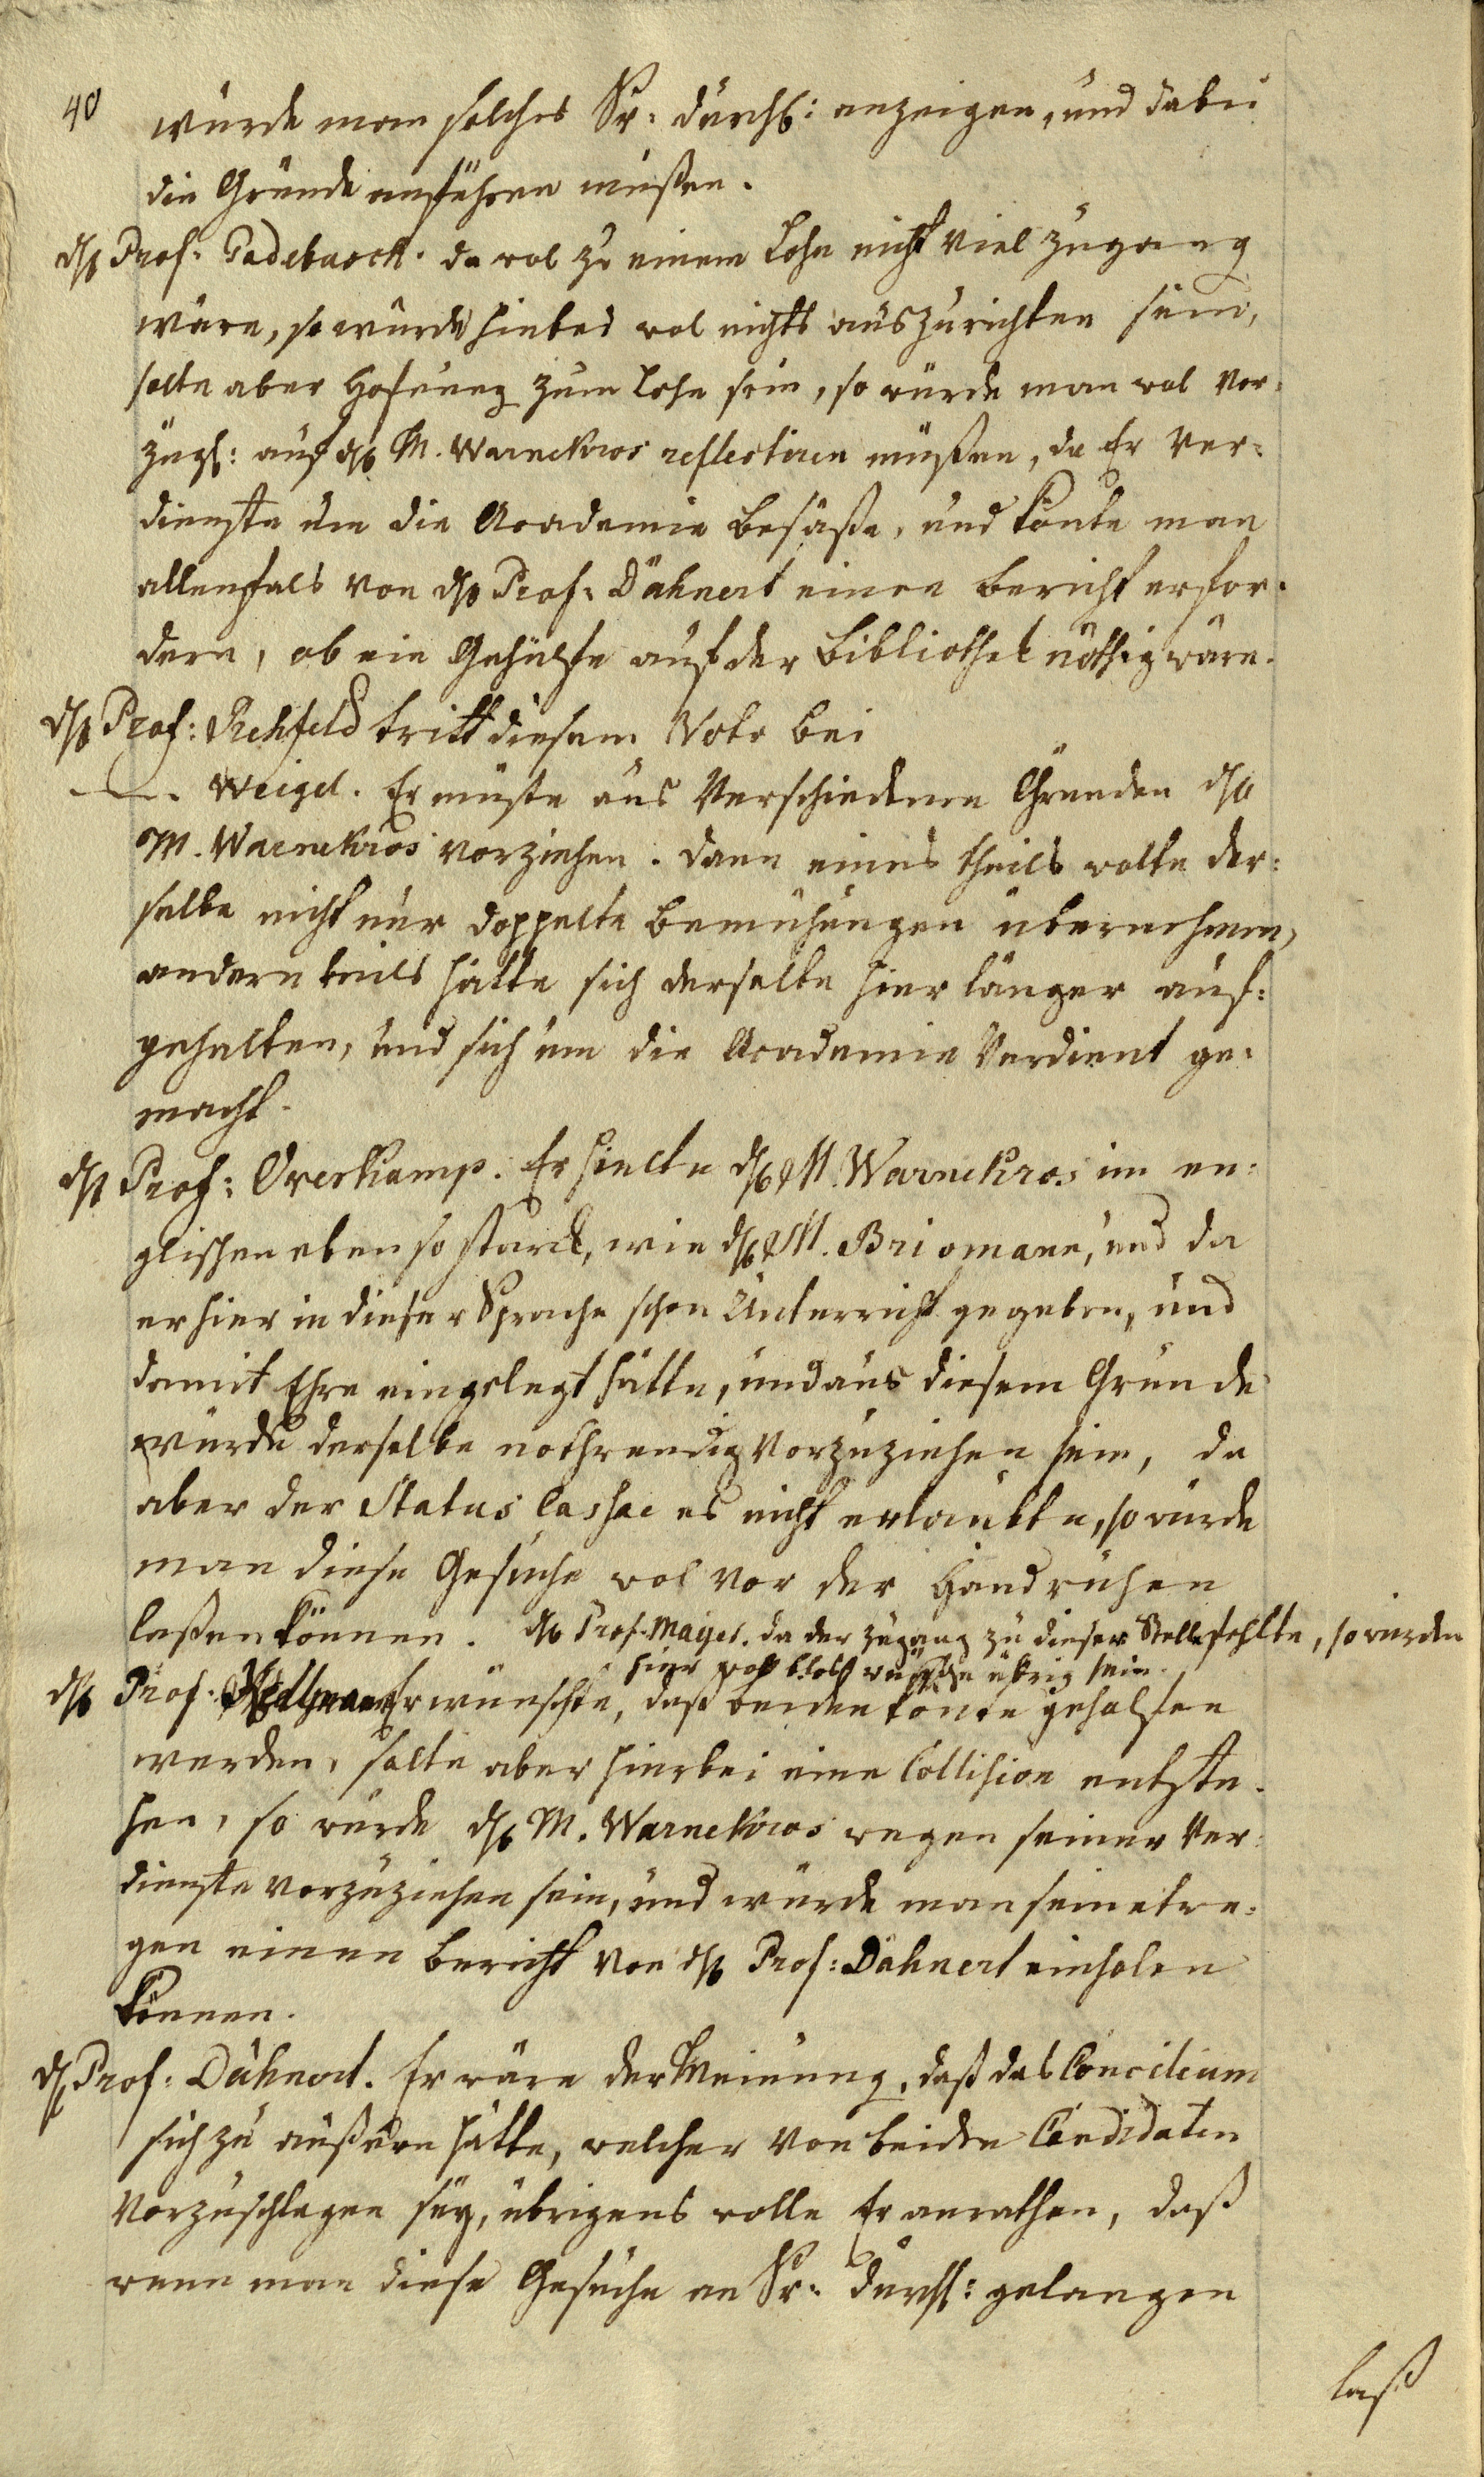würde man solches Sr Durchl. anzeigen, und dabei
die Gründe anführen müßen.
dh Prof. Gadebusch. Da wohl zu einem Lohn nicht viel Zugang
wäre, so würde hiebei wol nichts auszurichten sein,
solte aber Hofnung zum Lohn sein, so würde man wol vor¬
zügl. auf dh M. Warnekros reflectiren müßen, da Er Ver¬
dienste um die Academie besäße, und könte man
allenfals von dh Prof. Dähnert einen Bericht erfor¬
dern, ob ein Gehülfe auf der Bibliothek nöthig wäre.
dh Prof. Rehfeld tritt diesem Voto bei.
Weigel. Er müste aus verschiedenen Gründen dh
M. Warnekros vorziehen. Dann eines theils wolte der¬
selbe nicht nur doppelte Bemühungen übernehmen,
andern teils hätte sich derselbe hier länger auf¬
gehalten und sich um die Academie verdient ge¬
macht.
dh Prof. Overkamp. Er hielte dh M. Warnekros im en¬
glischen eben so starck, wie dh M. Brismann, und da
er hier in dieser Sprache schon Unterricht gegeben, und
damit Ehre eingelegt hätte, und aus diesem Grunde
würde derselbe nothwendig vorzuziehen sein, da
aber der Status Cassae es nicht erlaubte, so würde
man diese Gesuche wol vor der Hand ruhen
laßen können. dh Prof. Maÿer. Da der Zugang zu dieser Stelle fehlte, so würden
sicher wol blos Wünsche übrig sein.
dh Prof. Kellmann. Er wünschte, daß beiden könte geholfen
werden, solte aber hierbei eine Collision entste¬
hen, so würde dh M. Warnekros wegen seiner Ver¬
dienste vorzuziehen sein, und würde man seinetwe¬
gen einen Bericht von dh Prof. Dähnert einholen
können.
dh Prof. Dähnert. Er wäre der Meinung, daß das Concilium
sich zu äußern hätte, welcher von beiden Candidaten
vorzuschlagen seÿ, übrigens wolle Er anrathen, daß
wenn man diese Gesuche an Sr Durchl. gelangen
laß